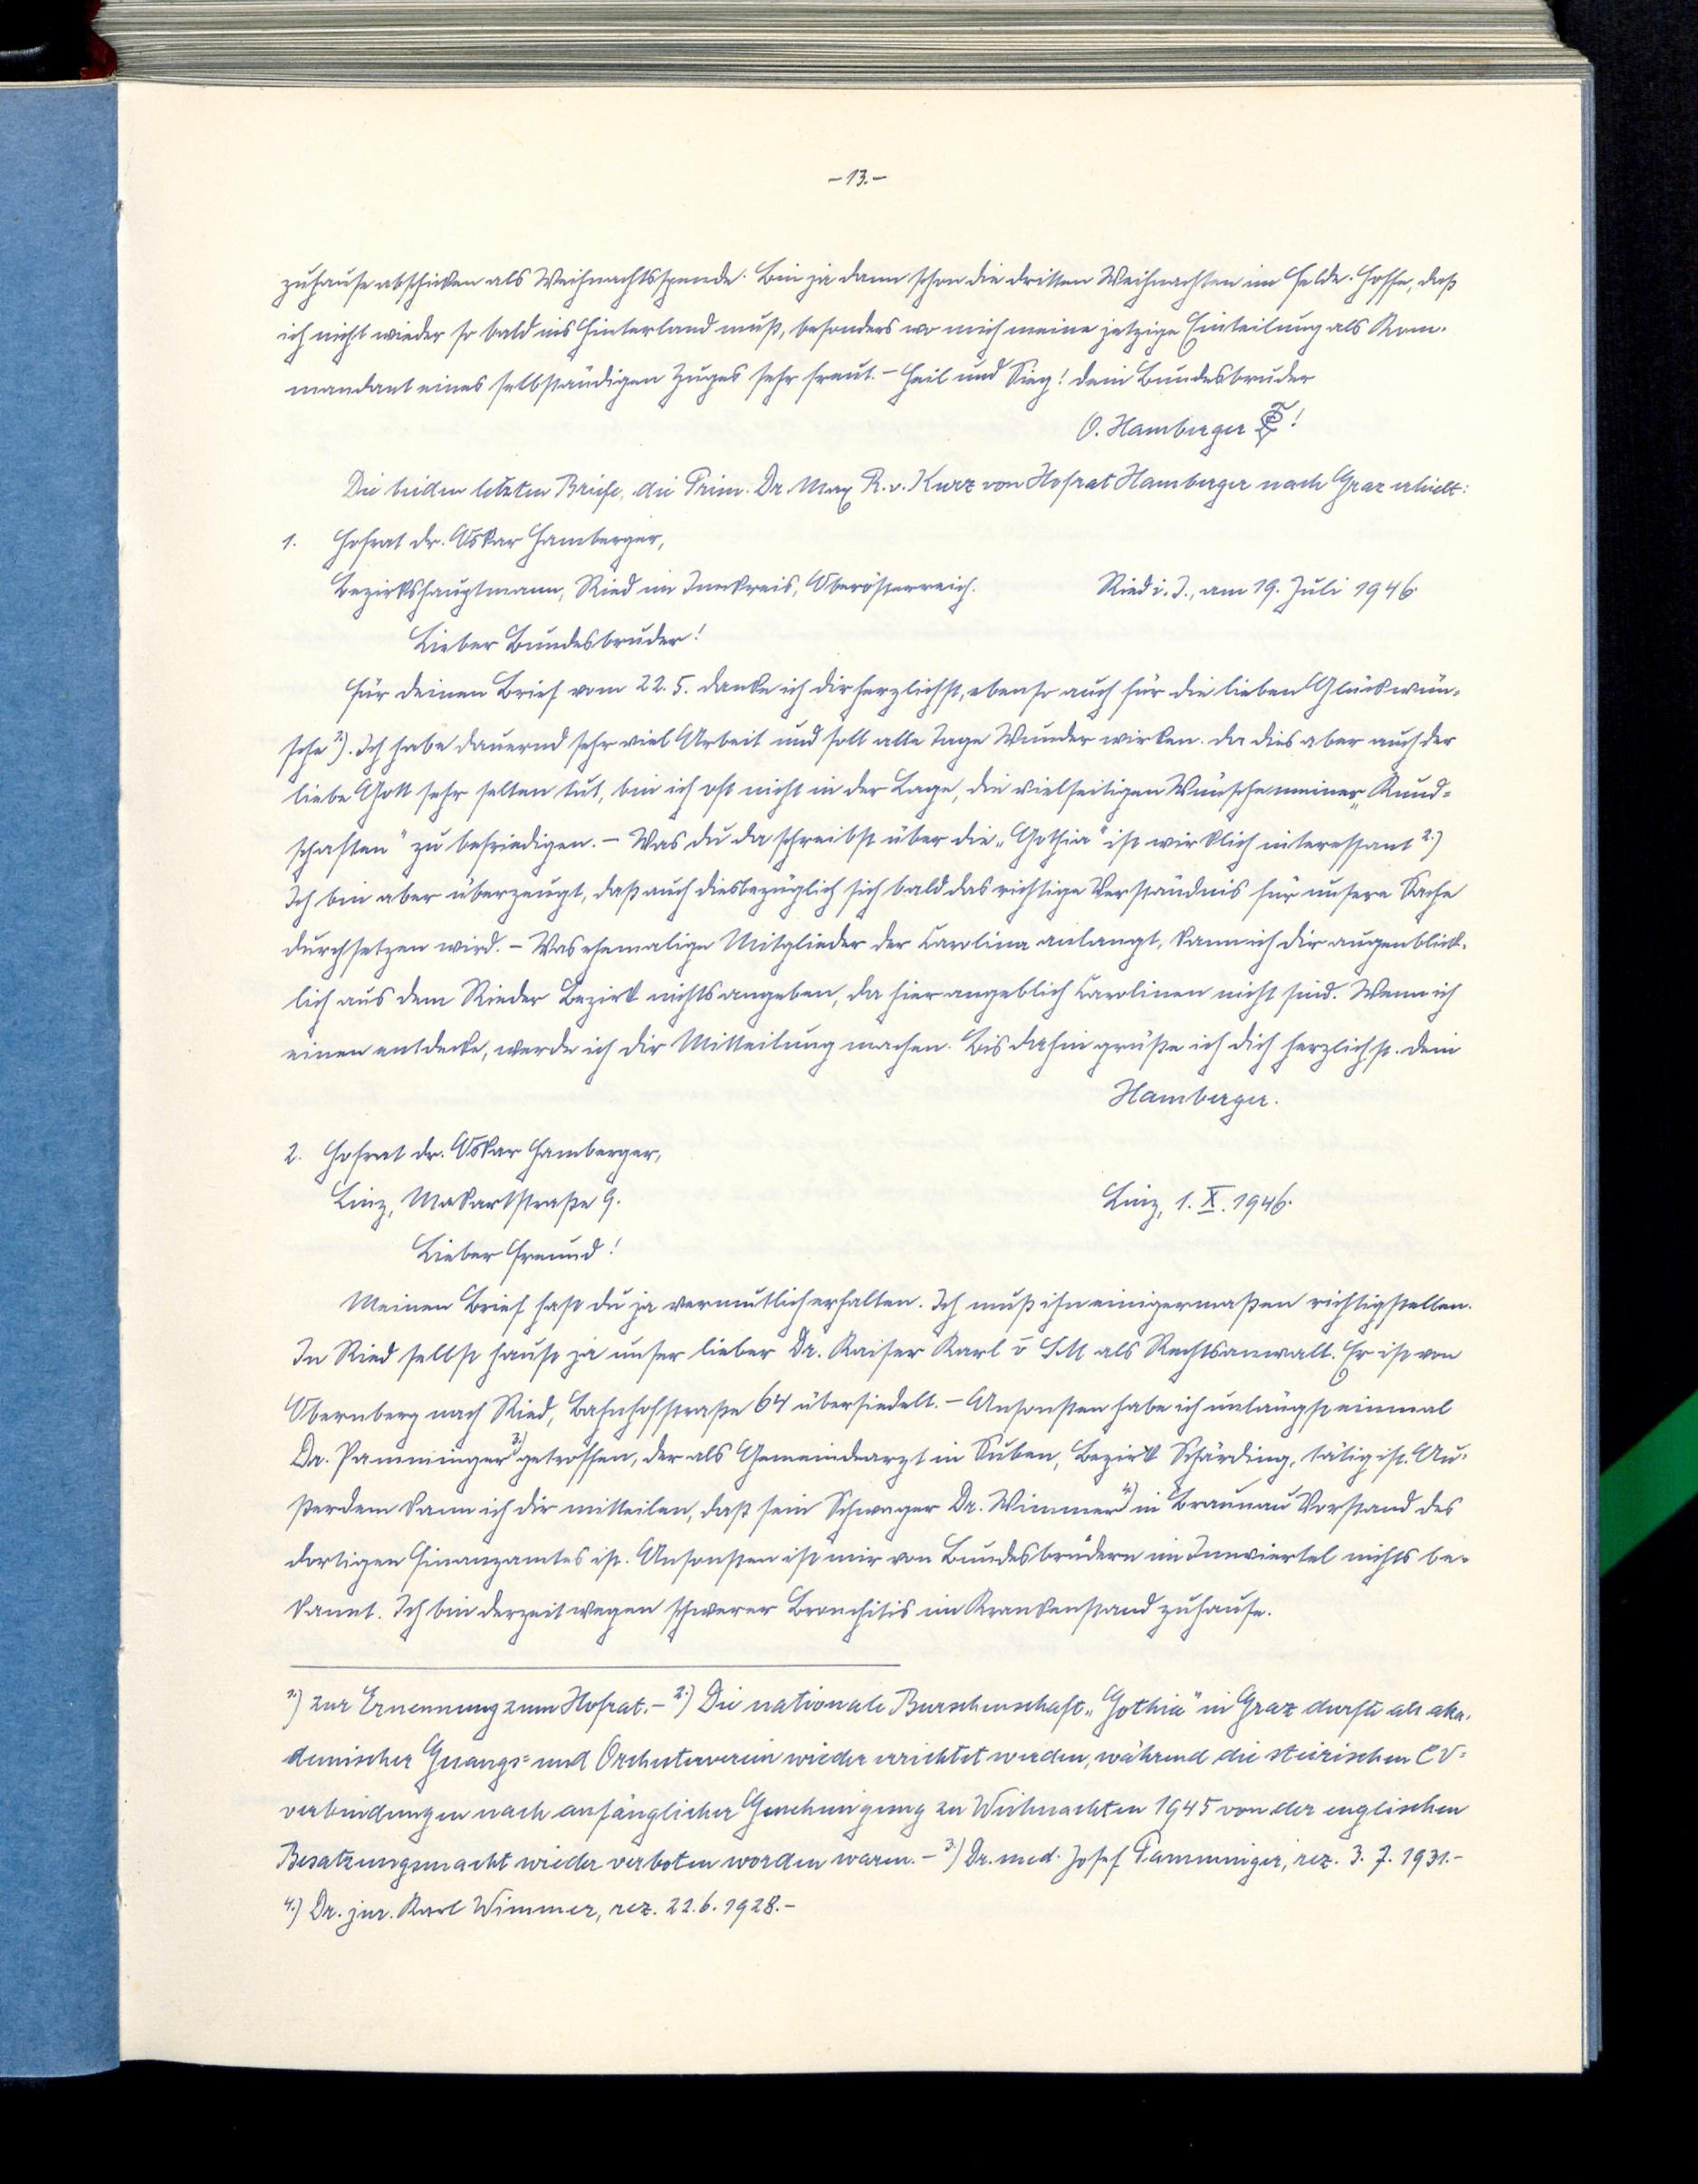13
zu Hause abschicken als Weihnachtsspende. Bin ja dann schon die dritten Weihnachten im Felde. Hoffe, dass
ich nicht wieder so bald ins Hinterland muss, besonders wo mich meine jetzige Einteilung als Kom-
mandant eines selbstständigen Zuges sehr freut. Heil und Sieg! Dein Bundesbruder
O. Hamberger Cl!
Die beiden letzten Briefe, die Prim. Dr. Max R. v. Kurz von Hofrat Hamberger nach Graz erhielt:
1. Hofrat Dr. Oskar Hamberger,
Bezirkshauptmann, Ried im Innkreis Oberösterreich.
Ried. i. I. am 19. Juli 1946
Lieber Bundesbruder!
Für deinen Brief vom 22.5. danke ich dir herzlichst, ebenso auch für die lieben Glückwün-
sche 2). Ich habe dauernd sehr viel Arbeit und soll alle Tage Wunder wirken. D dies aber auch der
liebe Gott sehr selten tut, bin ich oft nicht in der Lage, die vielseitigen Wünsche meiner „Kund-
schaften“ zu befriedigen. Was du schreibst über die „Gothia“ ist wirklich interessant. 2)
Ich bin aber überzeugt, dass auch diesbezüglich sich bald das richtige Verständnis für unsere Sache
durchsetzen wird. - Was ehemalige Mitglieder der Carolina anlangt, kann ich dir augenblick-
lich aus dem Rieder Bezirk nichts angeben, da hier angeblich Caroline nicht sind. Wenn ich
einen entdecke, werde ich dir Mitteilung machen. Bis dahin grüße ich idch herzlichst dein
Hamberger
2. Hofrat Dr. Oskar Hamberger
Linz, Markartstraße 9.
Linz, 1.X.1946
Lieber Freund!
Meinen Brief hast du vermutlich erhalten. Ich muss ihn einigermaßen richtigstellen.
In Ried selbst haust ja unser lieber Dr. Kaiser Karl v/o SM als Rechtsanwalt. Er ist von
Obernberg nach Ried, Bahnhofstraße 64 übersiedelt. Ansonsten habe ich unlängst einmal
Dr. Pamminger 3) getroffen, der als Gemeindearzt in Suben, Bezirk Schärding tätig ist. Au-
ßerdem kann ich dir mitteilen, daß sein Schwager Dr. Wimmer 4) in Braunau Vorstand des
dortigen Finanzamtes ist. Ansonsten ist mir von Bundesbrüdern im Innviertel nichts be-
kannt. Ich bin derzeit wegen schwerer Bronchitis im Krankenstand zuhause
1) Zur Ernennung zum Hofrat. – 2) Die nationale Burschenschaft „Gothia“ in Graz durfte als aka-
demischer Gesangs- und Orchesterverein wieder errichtet werden, während die steirischen CV-
Verbindungen nach anfänglicher Genehmigung zu Weihnachten 1945 von der englischen
Besatzungsmacht wieder verboten worden waren. – 3) Dr. med. Josef Pamminger, rez. 3.7. 1931.-
4) Dr. iur. Karl Wimmer rez. 22. 6. 1928.